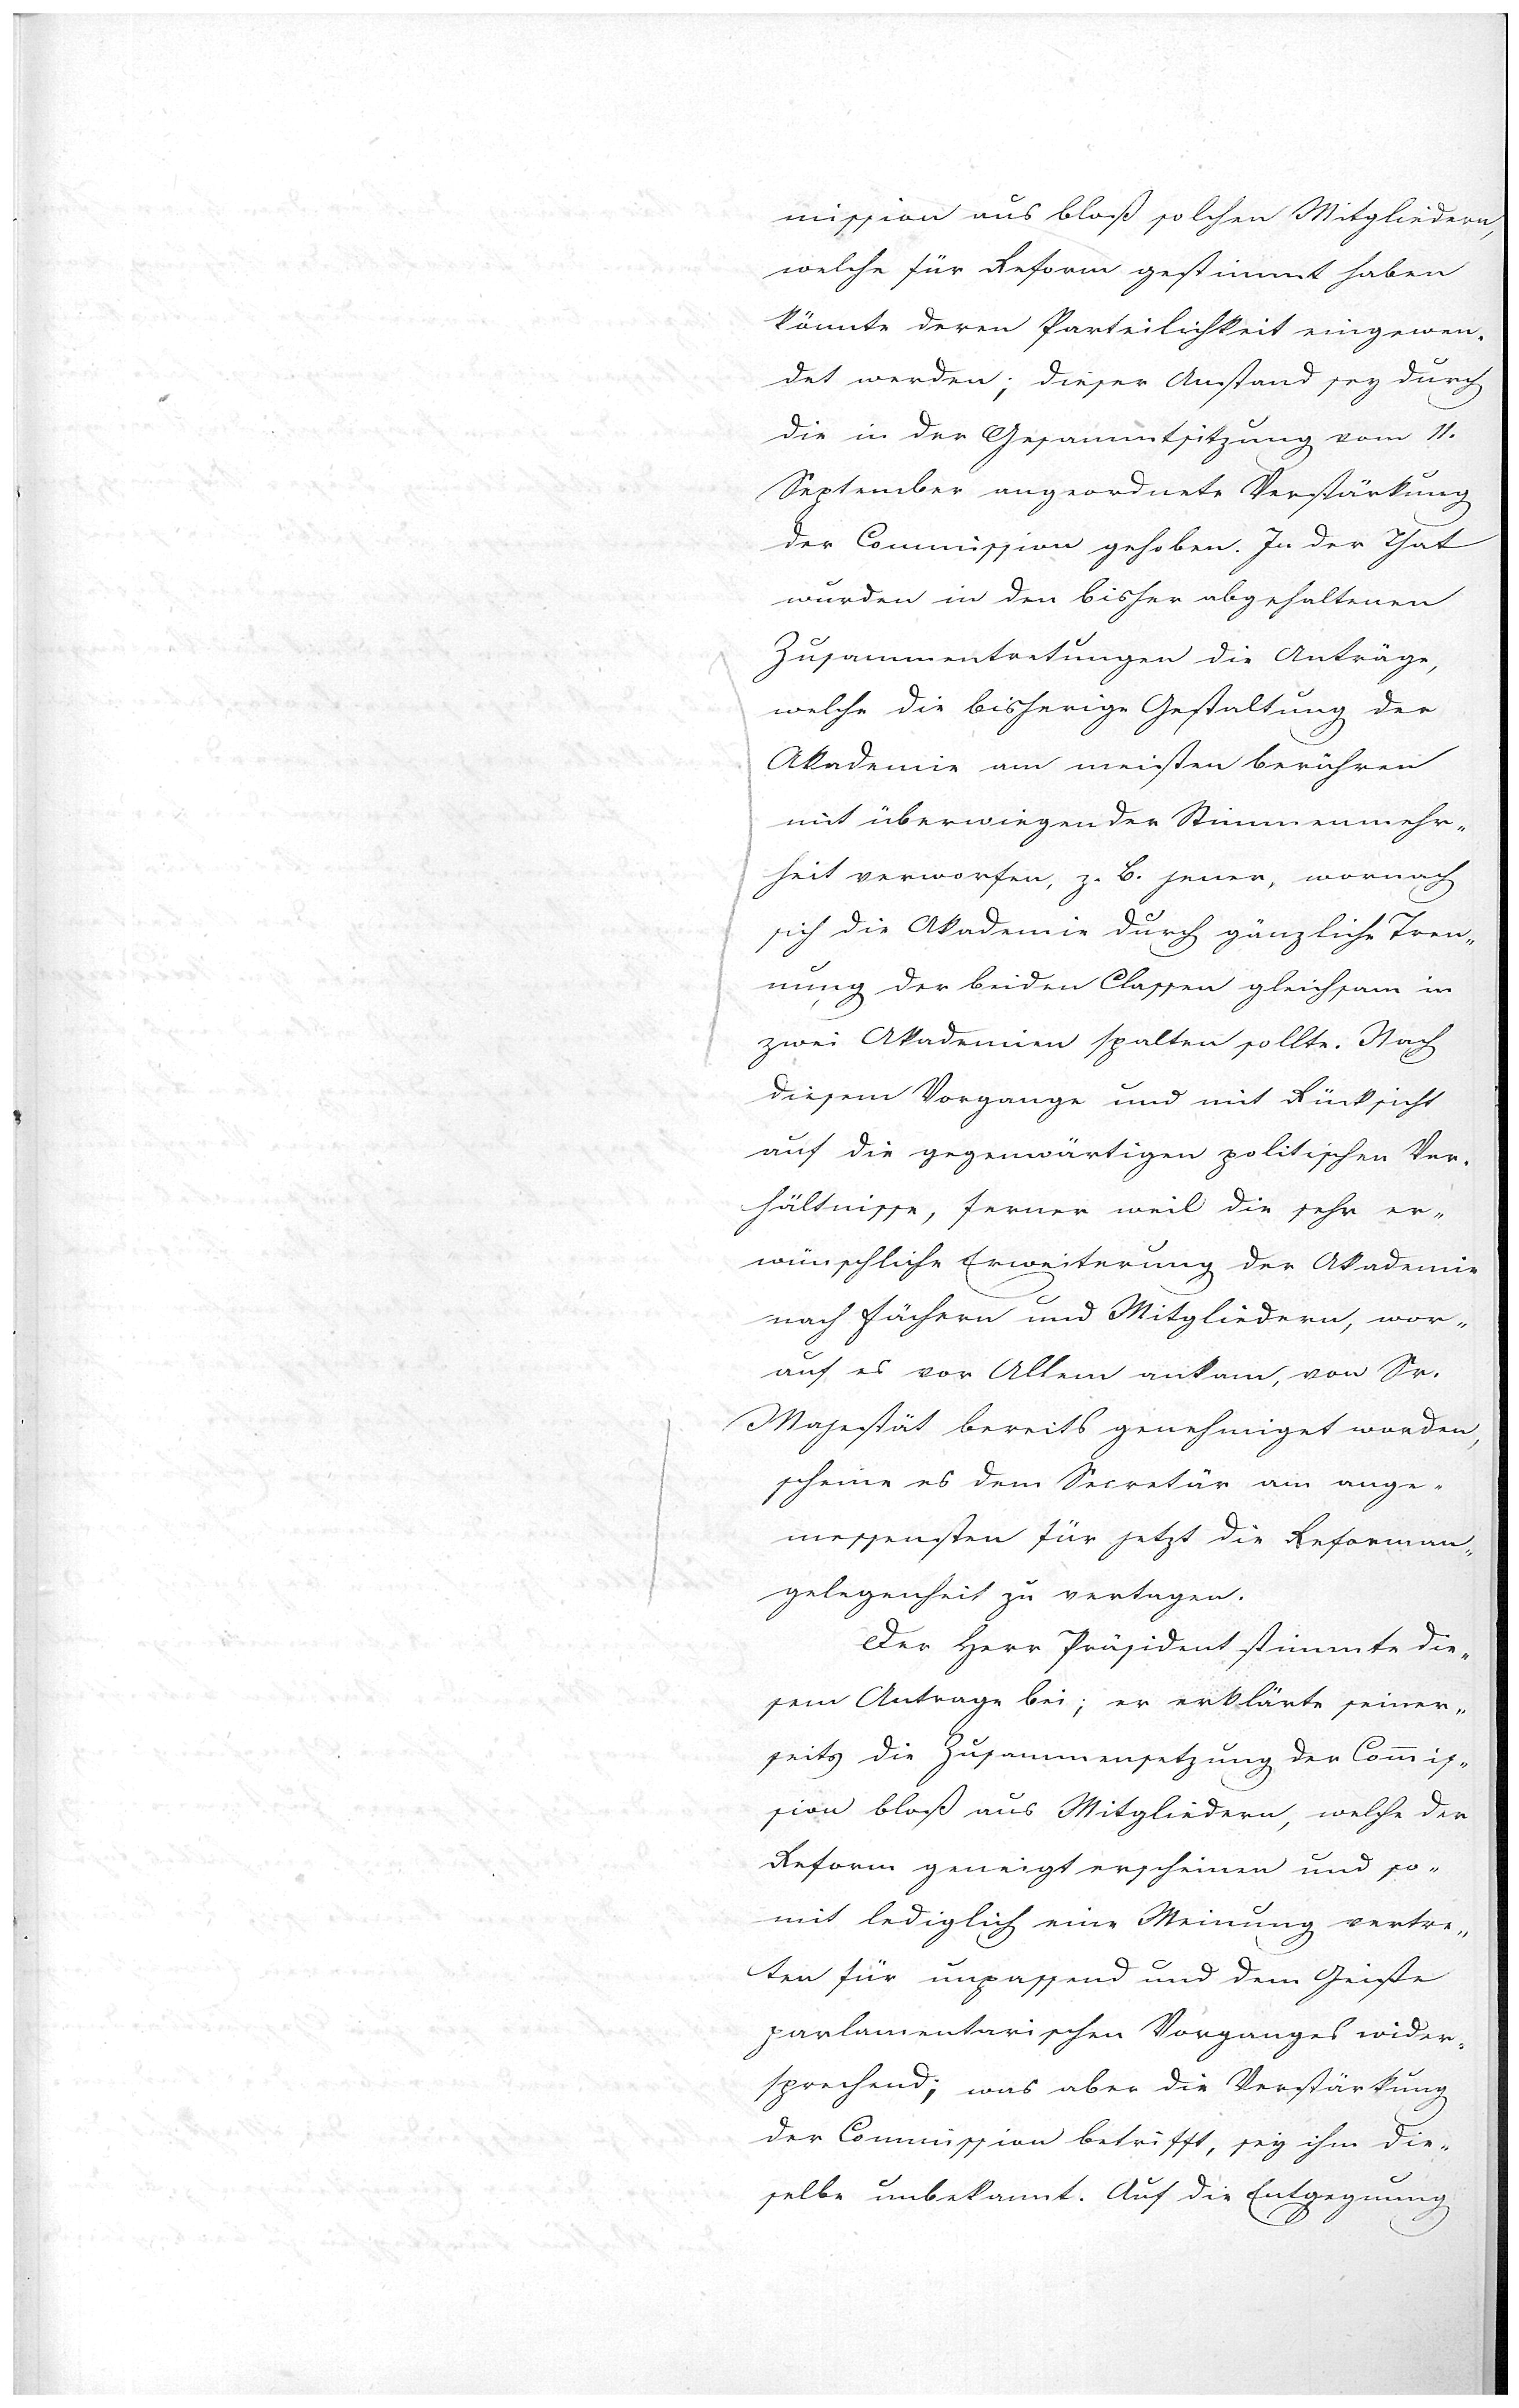mission aus bloß solchen Mitgliedern,
welche für Reform gestimmt haben
könnte deren Parteilichkeit eingewen-
det werden; dieser Anstand sey durch
die in der Gesammtsitzung vom 11.
September angeordnete Verstärkung
der Commission gehoben. In der That
wurden in den bisher abgehaltenen
Zusammentretungen die Anträge,
welche die bisherige Gestaltung der
Akademie am meisten berühren
mit überwiegender Stimmenmehr-
heit verworfen, z.B. jener, wornach
sich die Akademie durch gänzliche Tren-
nung der beiden Classen gleichsam in
zwei Akademien spalten sollte. Nach
diesem Vorgange und mit Rücksicht
auf die gegenwärtigen politischen Ver-
hältnisse, ferner weil die sehr er-
wünschliche Erweiterung der Akademie
nach Fächern und Mitgliedern, wor-
auf es vor Allem ankam, von Sr.
Majestät bereits genehmiget worden,
scheine es dem Secretär am ange-
messensten für jetzt die Reforman-
gelegenheit zu vertagen.
Der Herr Präsident stimmte die-
sem Antrage bei; er erklärte seiner-
seits die Zusammensetzung der Commis-
sion bloß aus Mitgliedern, welche der
Reform geneigt erscheinen und so-
mit lediglich eine Meinung vertre-
ten für unpassend und dem Geiste
parlamentarischen Vorganges wider-
sprechend; was aber die Verstärkung
der Commission betrifft, sey ihm die-
selbe bekannt. Auf die Entgegnung